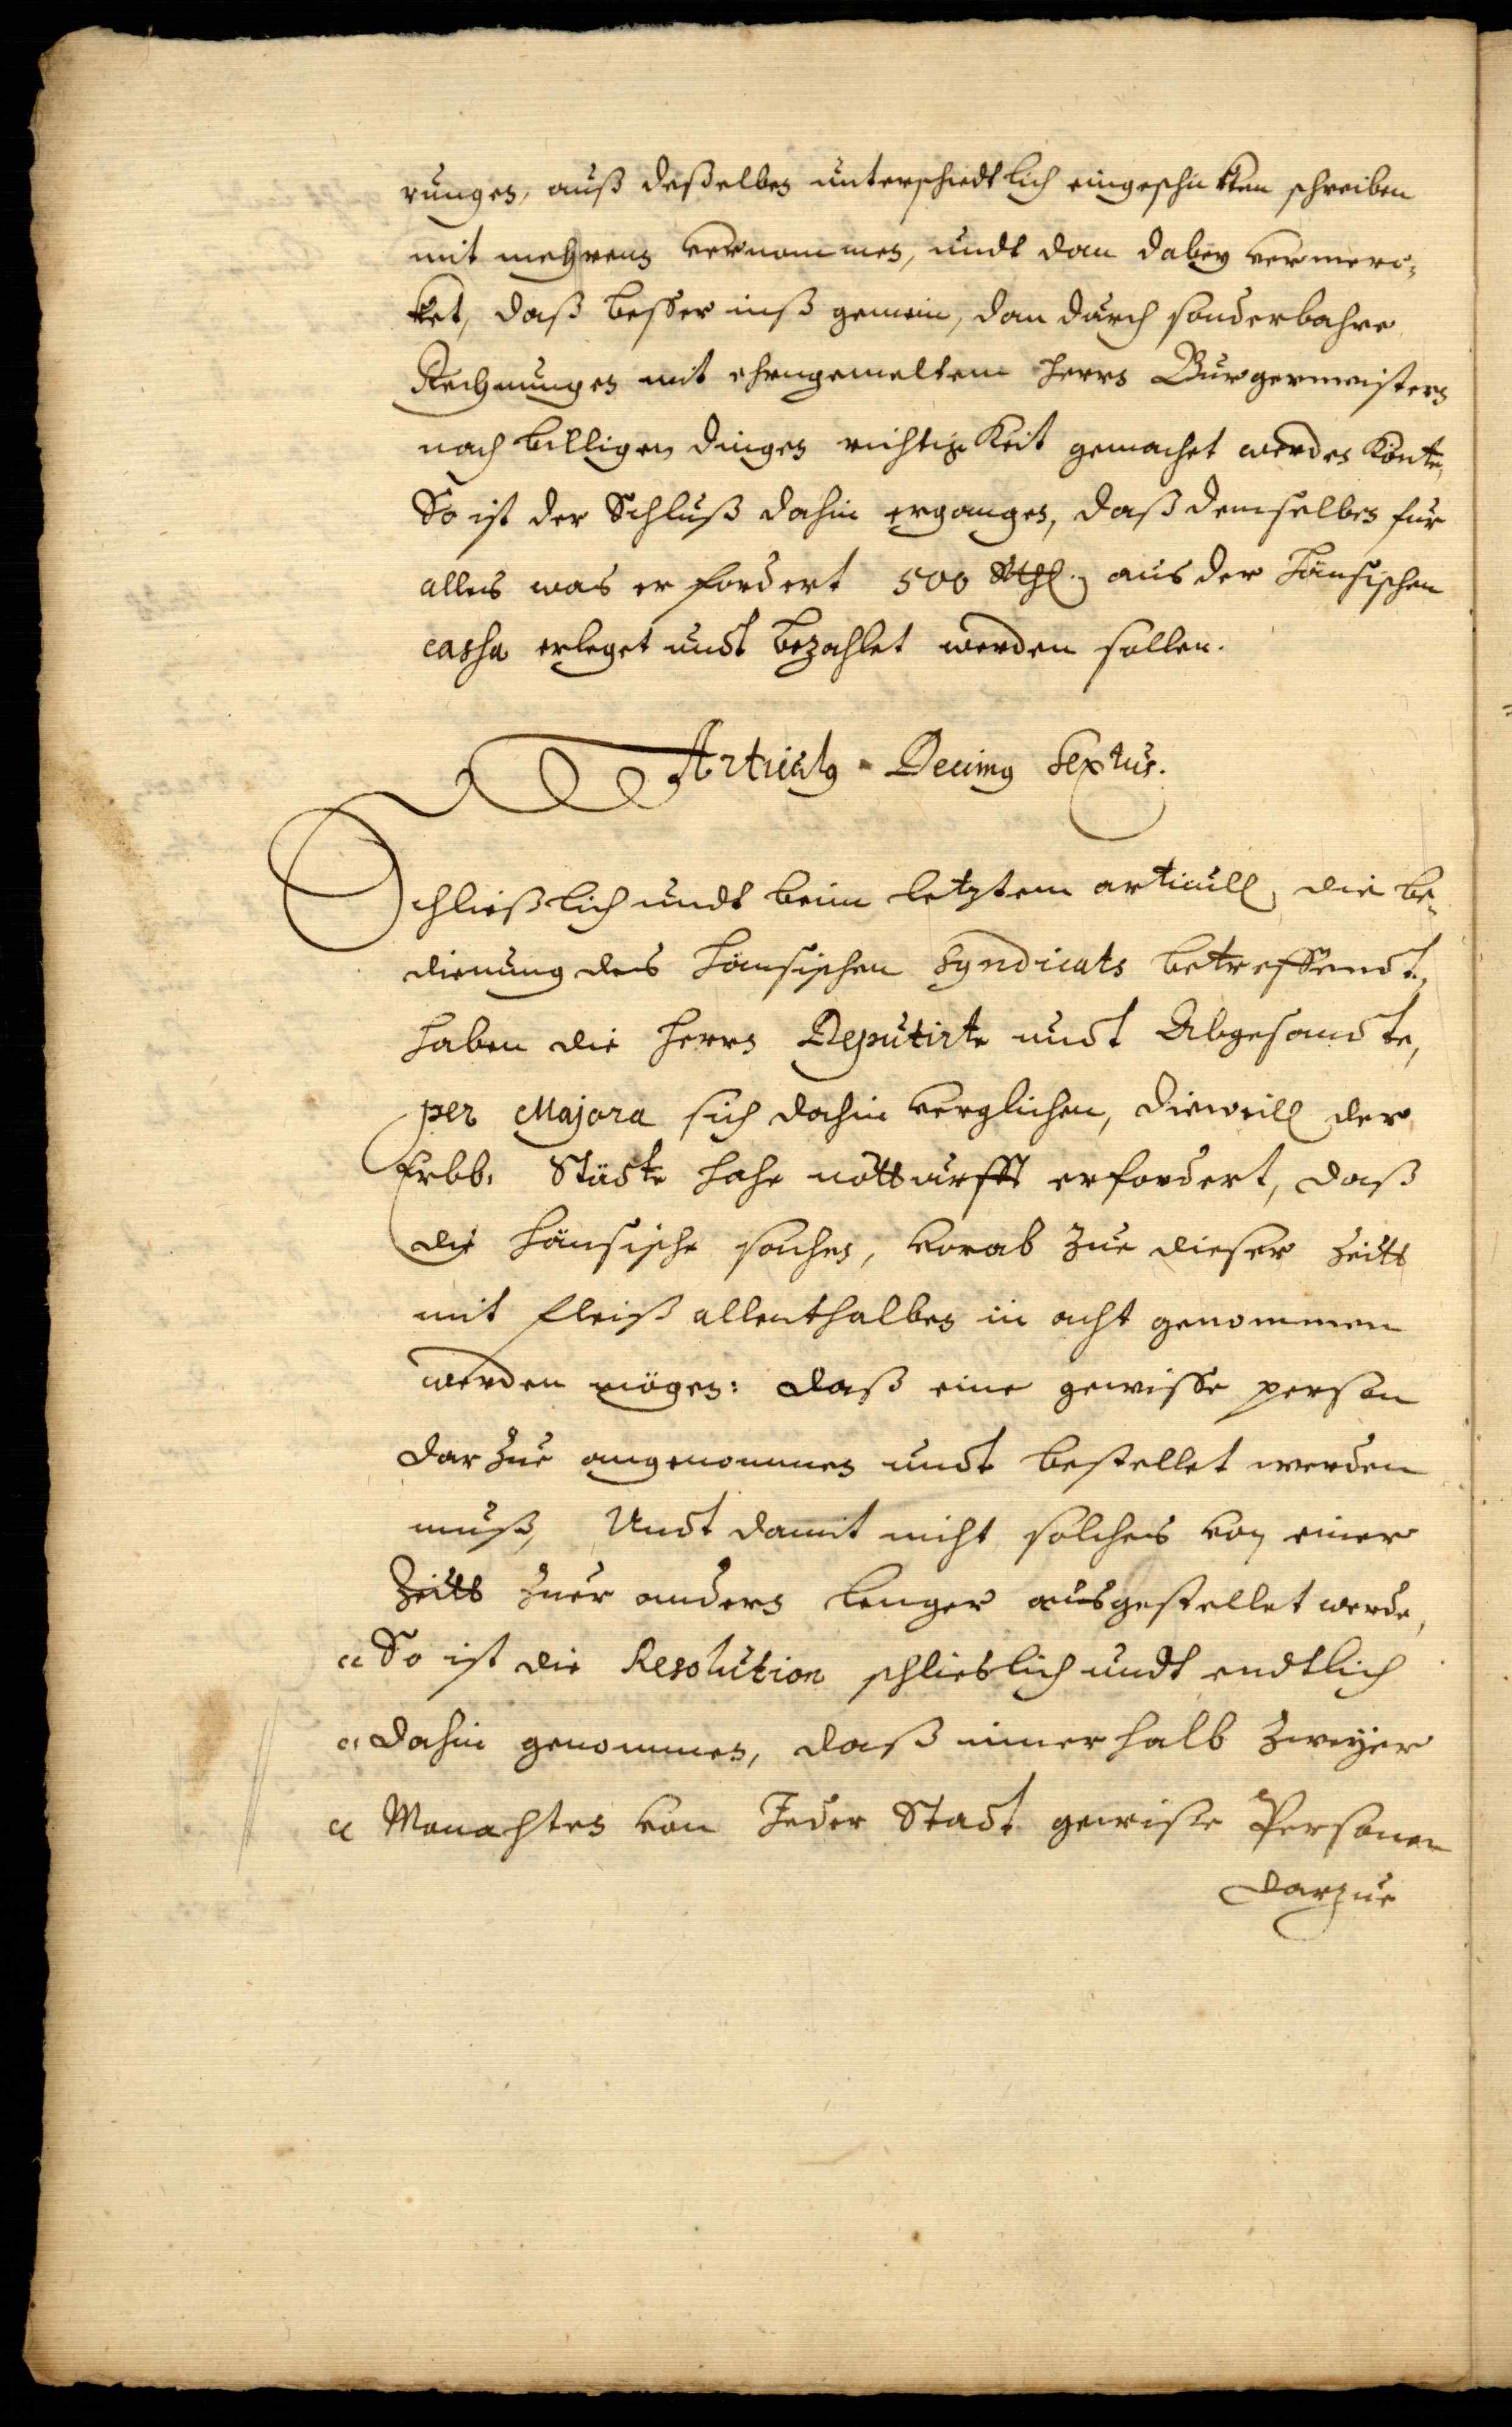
rungen, auß deßelben unterschiedtlich eingeschickten schreiben
mit mehrenn vernommen, undt dan dabey vermerc¬
ket, daß besser inß gemein, dan durch sonderbahre
Rechnungen mit ehrngemeltem herrn Burgermeistern
nach billigen dingen richtigkeit gemachet werden könte,
So ist der Schluß dahin ergangen, daß demselben fur
alles was erfordert 500 Rthl. aus der hänsischen
cassa erleget undt bezahlet werden sollen.
Articulq Decimq Sextus.
Schließlich undt beim letztem articull, die be¬
dienung des hänsischen Syndicats betreffendt,
haben die herrn Deputirte undt Abgesandte,
per Majora sich dahin verglichen, dieweill der
Erbb: Städte hohe notturfft erfordert, daß
die Hänsische sachen, vorab zue dieser zeitt
mit fleiß allenthalben in acht genommen
werden mögen: daß eine gewisse person
darzue angenommen undt bestellet werden
muß, Undt damit nicht solches von einer
Zeitt zuer andern langer ausgestellet werde,
So ist die Resolution schlieslich undt endtlich
dahin genommen, daß innerhalb zweijer
Monahten von Jeder Stadt gewiße Personen
darzue
